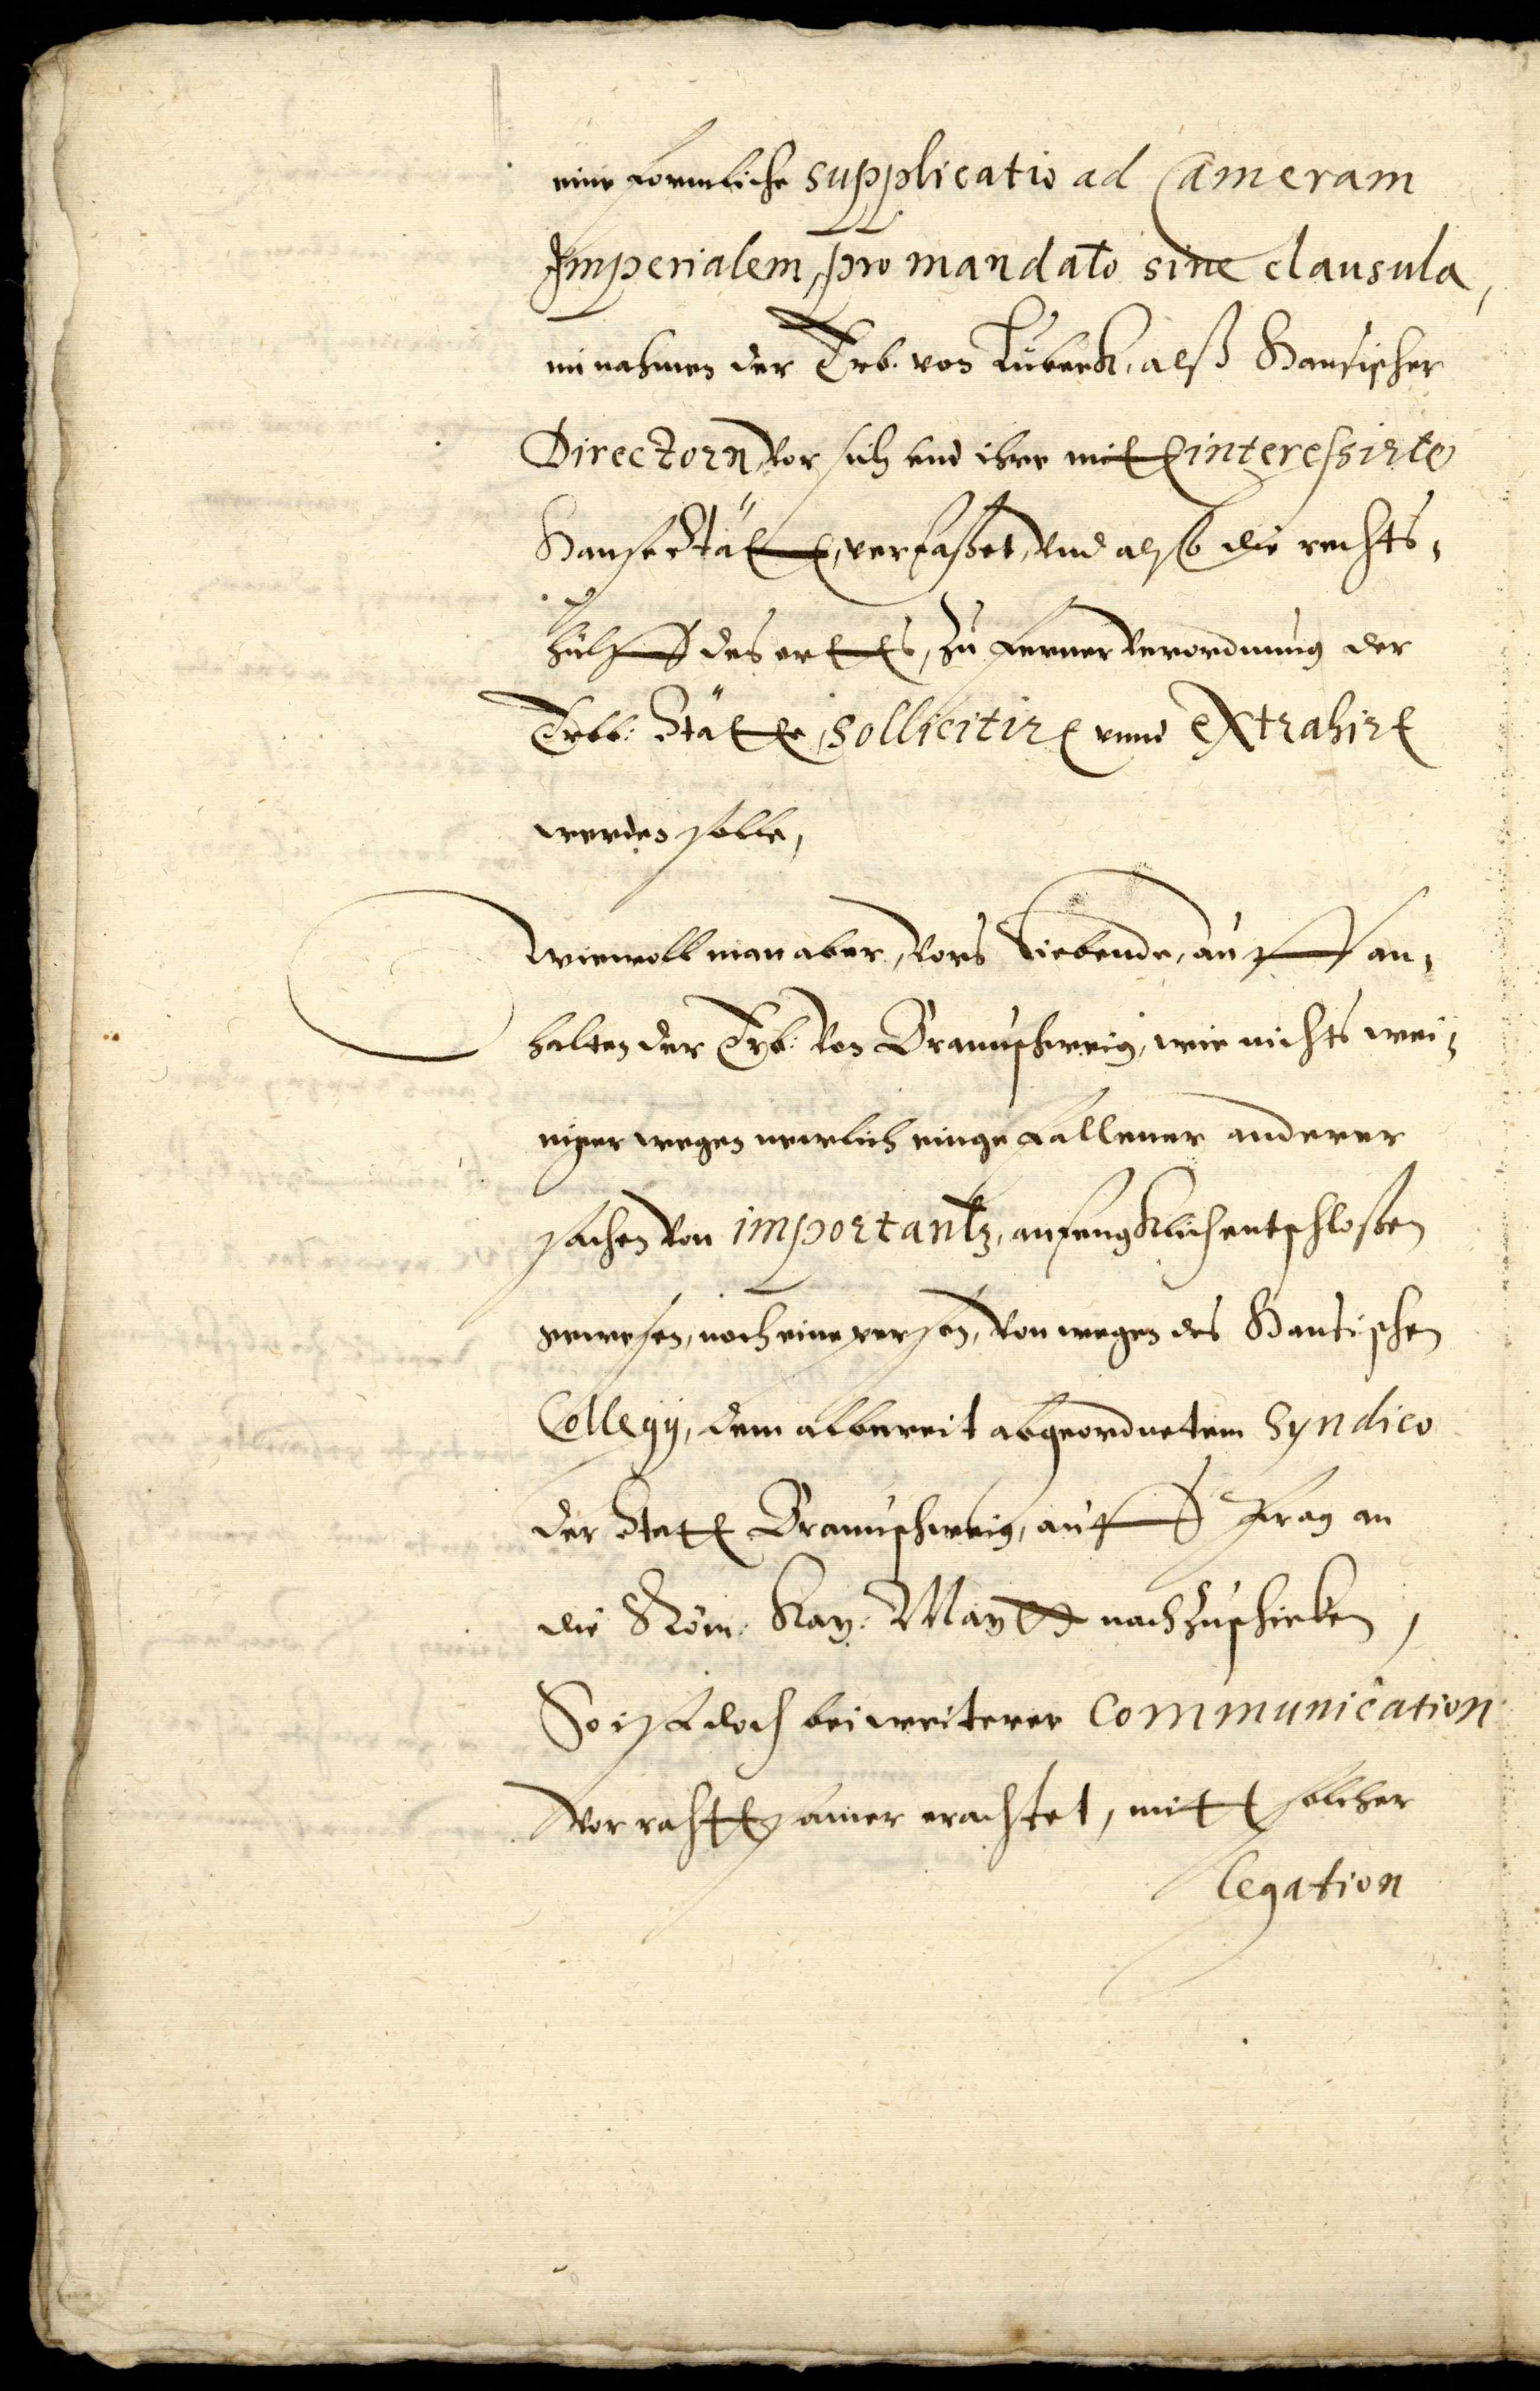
eine formliche supplicatio ad cameram
Imperialem, pro mandato sine clausula,
im nahmen der Erb. von Lübeck, alß Hansicher
Directorn, vor sich vnd ihre mitt interessirte
Hansestätt, verfaßet, vnd also die rechts¬
hülff des ortts, zu ferner verordnung der
Erbb: Stätte, sollicitirt vnnd extrahirt
werden solle,
wiewoll man aber, vors siebende, auff an¬
halten der Erb: von Braunschweig, wie nichts wei¬
niger wegen merlich eingefallener anderer
sachen von importantz, anfengklich entschloßen
gewesen, noch eine person, von wegen des Hansischen
Collegij, dem albereit abgeordneten syndico
der Statt Braunschweig, auff Prag an
die Röm. Kay. Maytt. nach zuschicken,
So ist doch bei weiterer communication
vor rahttsamer erachtet, mitt solcher
legation
